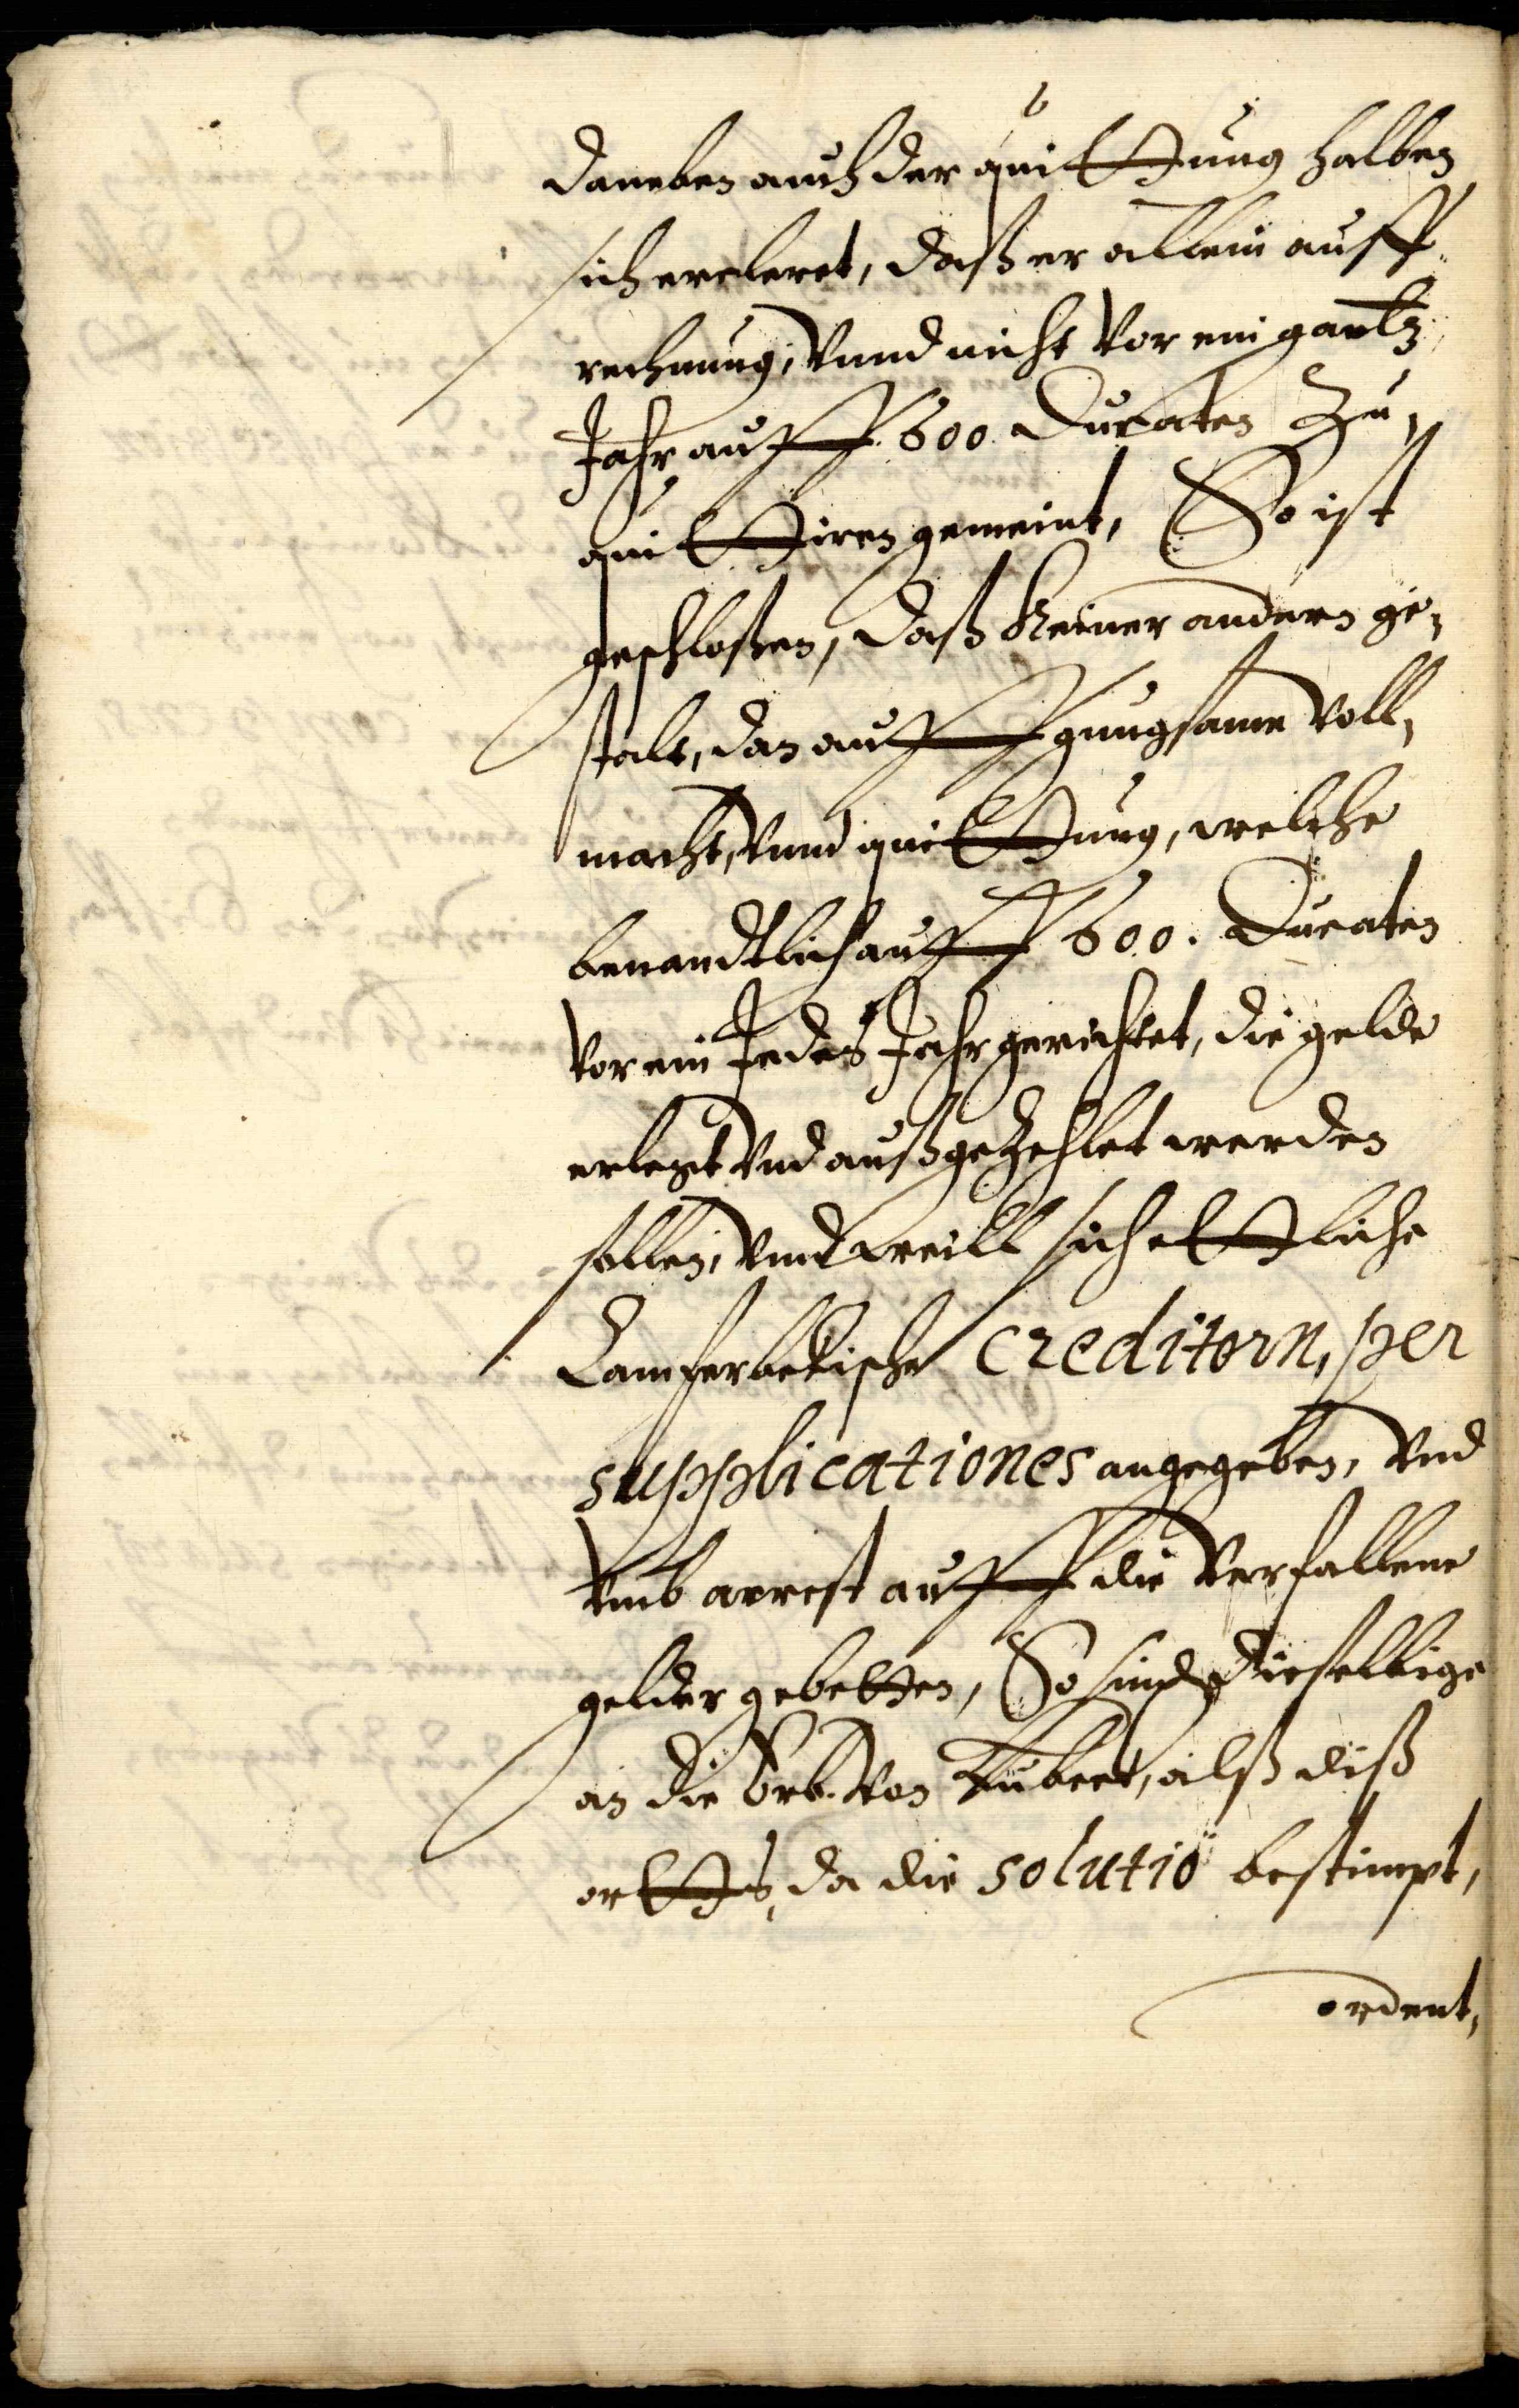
daneben auch der quittung halben
sich ercleret, daß er allein auff
rechnung, Vnnd nicht Vor ein gantz
Jahr auff 600 Ducaten Zu,
quittiren gemeint, So ist
geschloßen, daß Keiner andern ge¬
stalt, dan auff gnugsame Voll¬
macht, Vnnd quittung, welche
benandtlich auff 600. Ducaten
Vor ein Jedes Jahr gerichtet, die gelde
erlegt Vnd außgezehlet werden
sollen, Vnnd weil sie ettliche
Camferbekische creditorn, per
supplicationes angegeben, Vnd
Vmb arrest auff die Verfallene
gelder gebetten, So sind dieselbige
an die Erbb: Von Lubeck, alß diß
ortts, da die solutio bestimpt,
ordent¬
